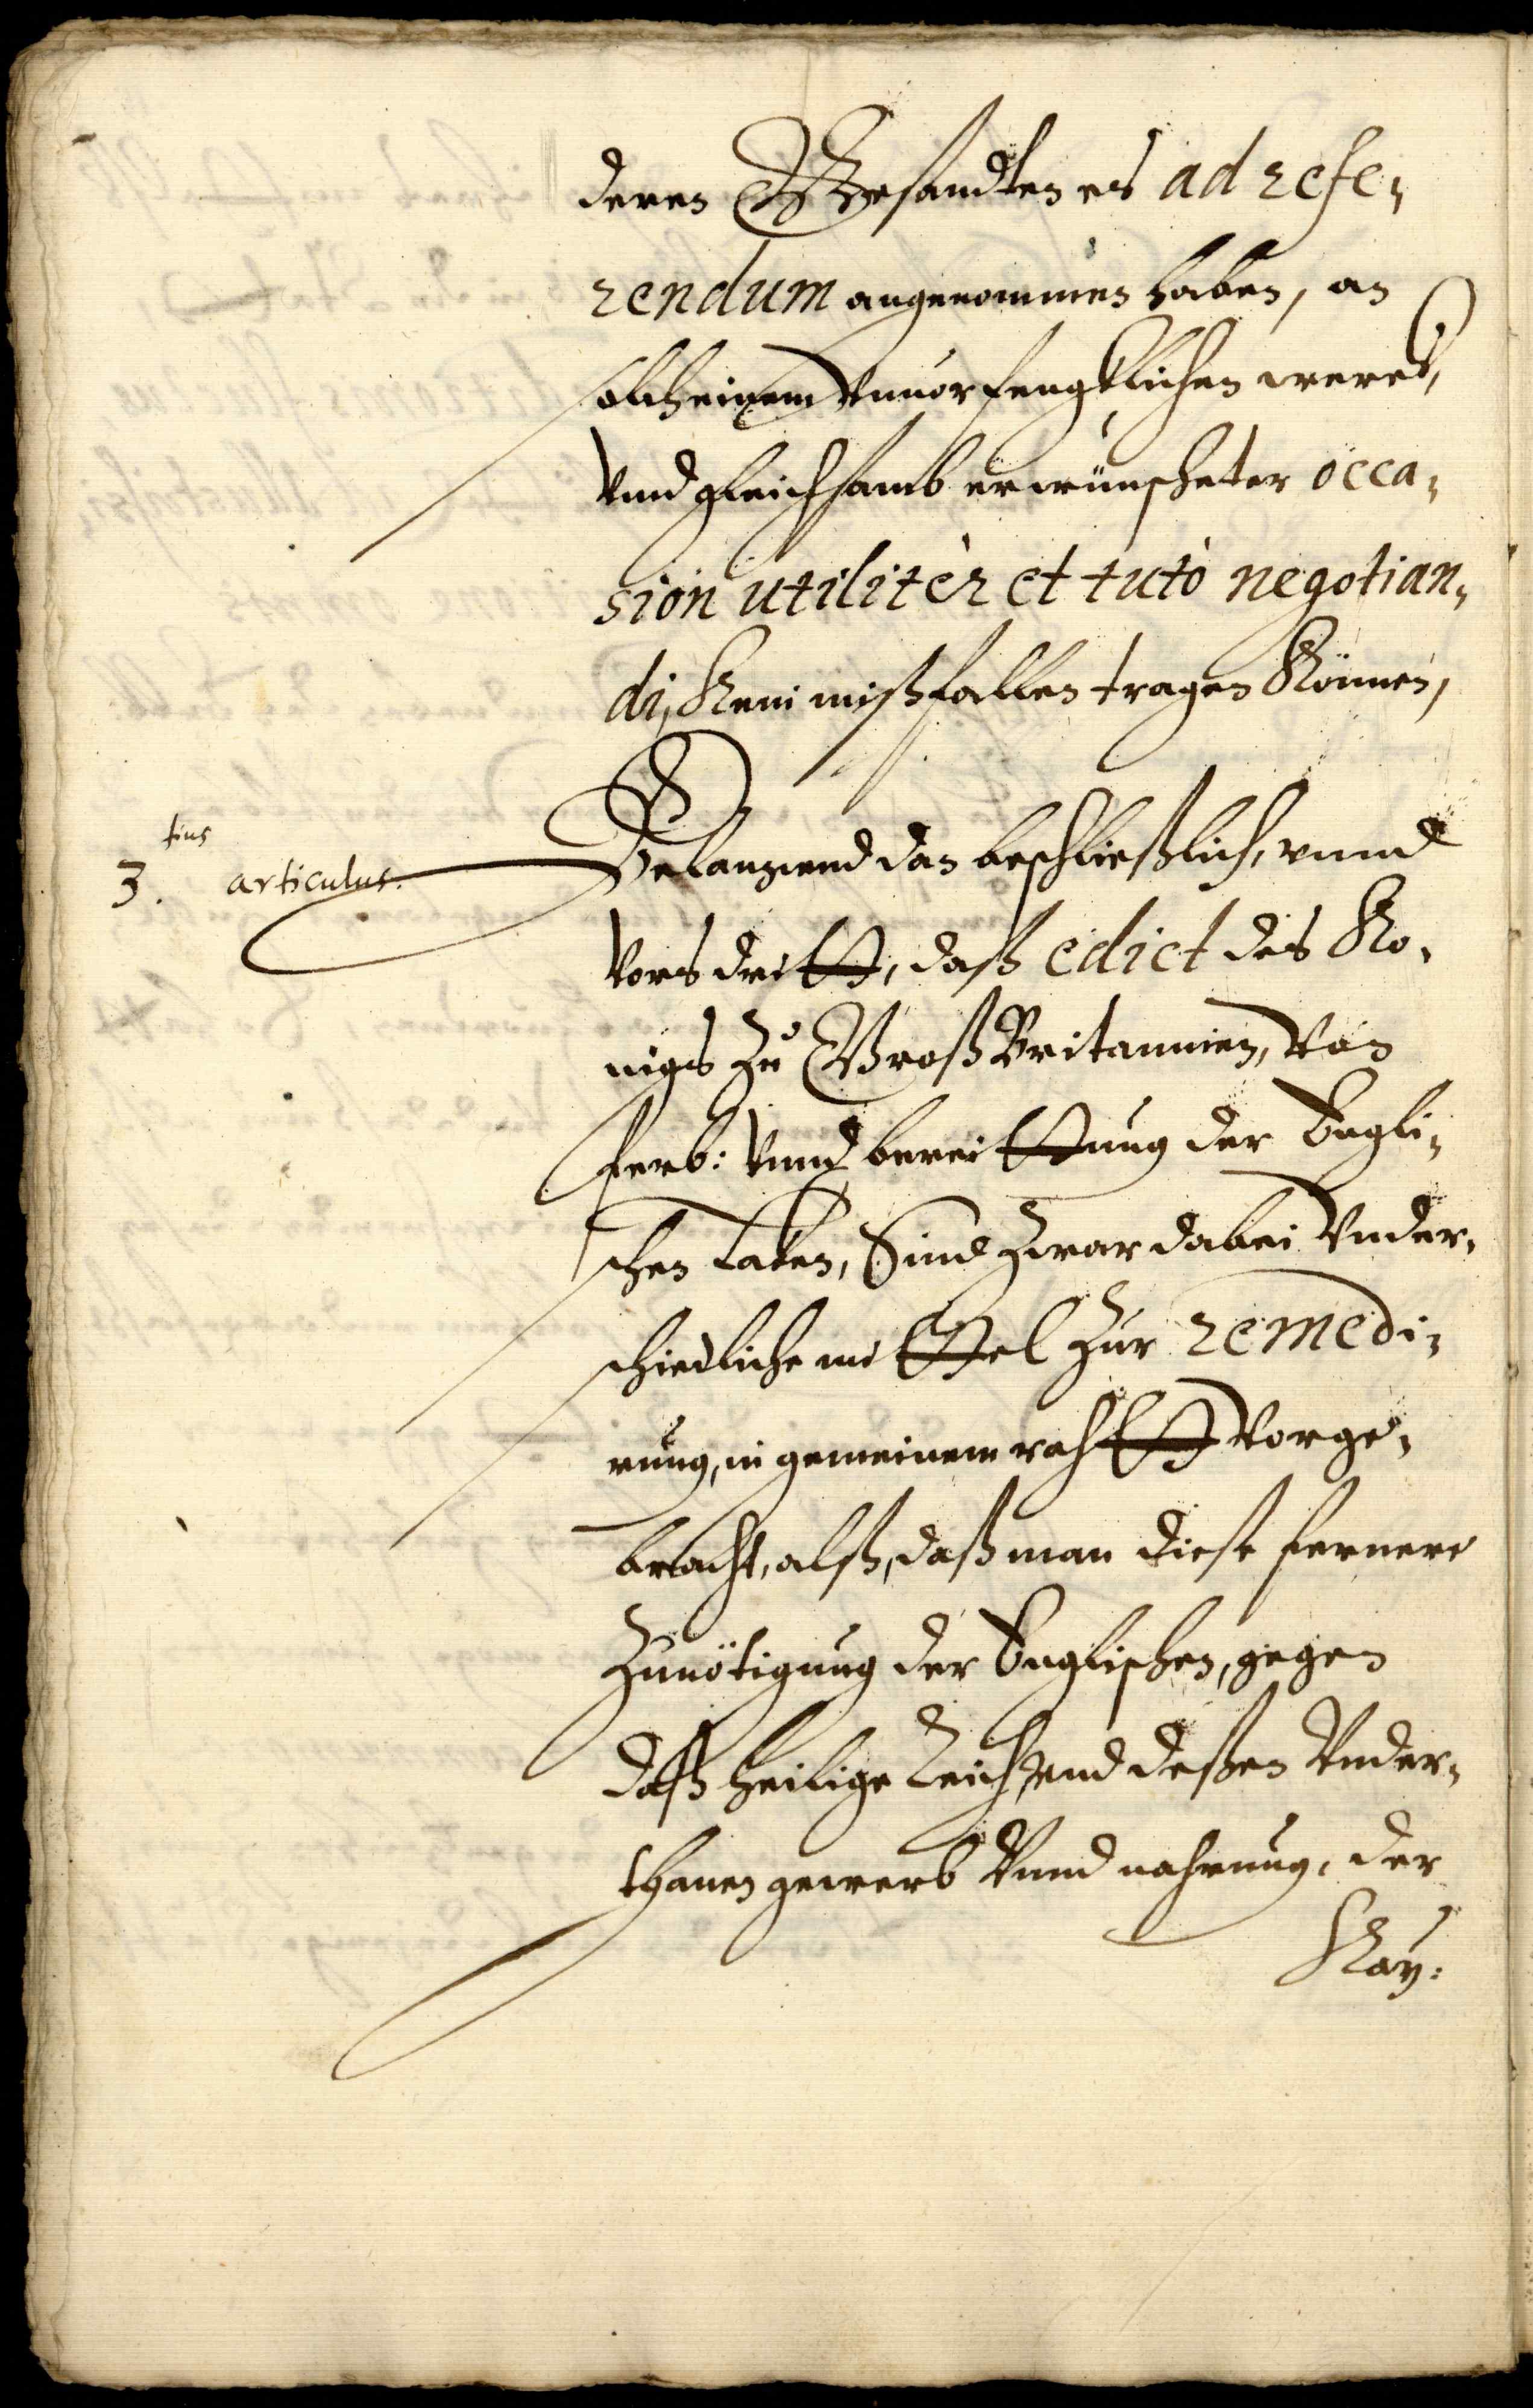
deren Gesandten es ad refe¬
rendum angenommen haben, an
solch einem Vnuorfengklichen werck,
Vnnd gleichsamb erwünscheter occa¬
sion utiliter et tuto negotian¬
di kein mißfallen tragen können,
3.tius articulus
Belangend dan beschließlich, vnnd
Vors dritt, daß edict des Ko¬
nigs Zu Groß Britannien, Von
ferb: Vnnd bereittung der Engli¬
schen Laken, Sind Zwar dabei Vnder¬
schiedlicher mittel Zur remidi¬
rung, in gemeinem rahtt Vorge¬
bracht, alß, daß man diese fernere
Zunötigung der Englischen, gegen
daß heilige Reich Vnd deßen Vnder¬
thanen gewerb Vnnd nahrung, der
Kay:
